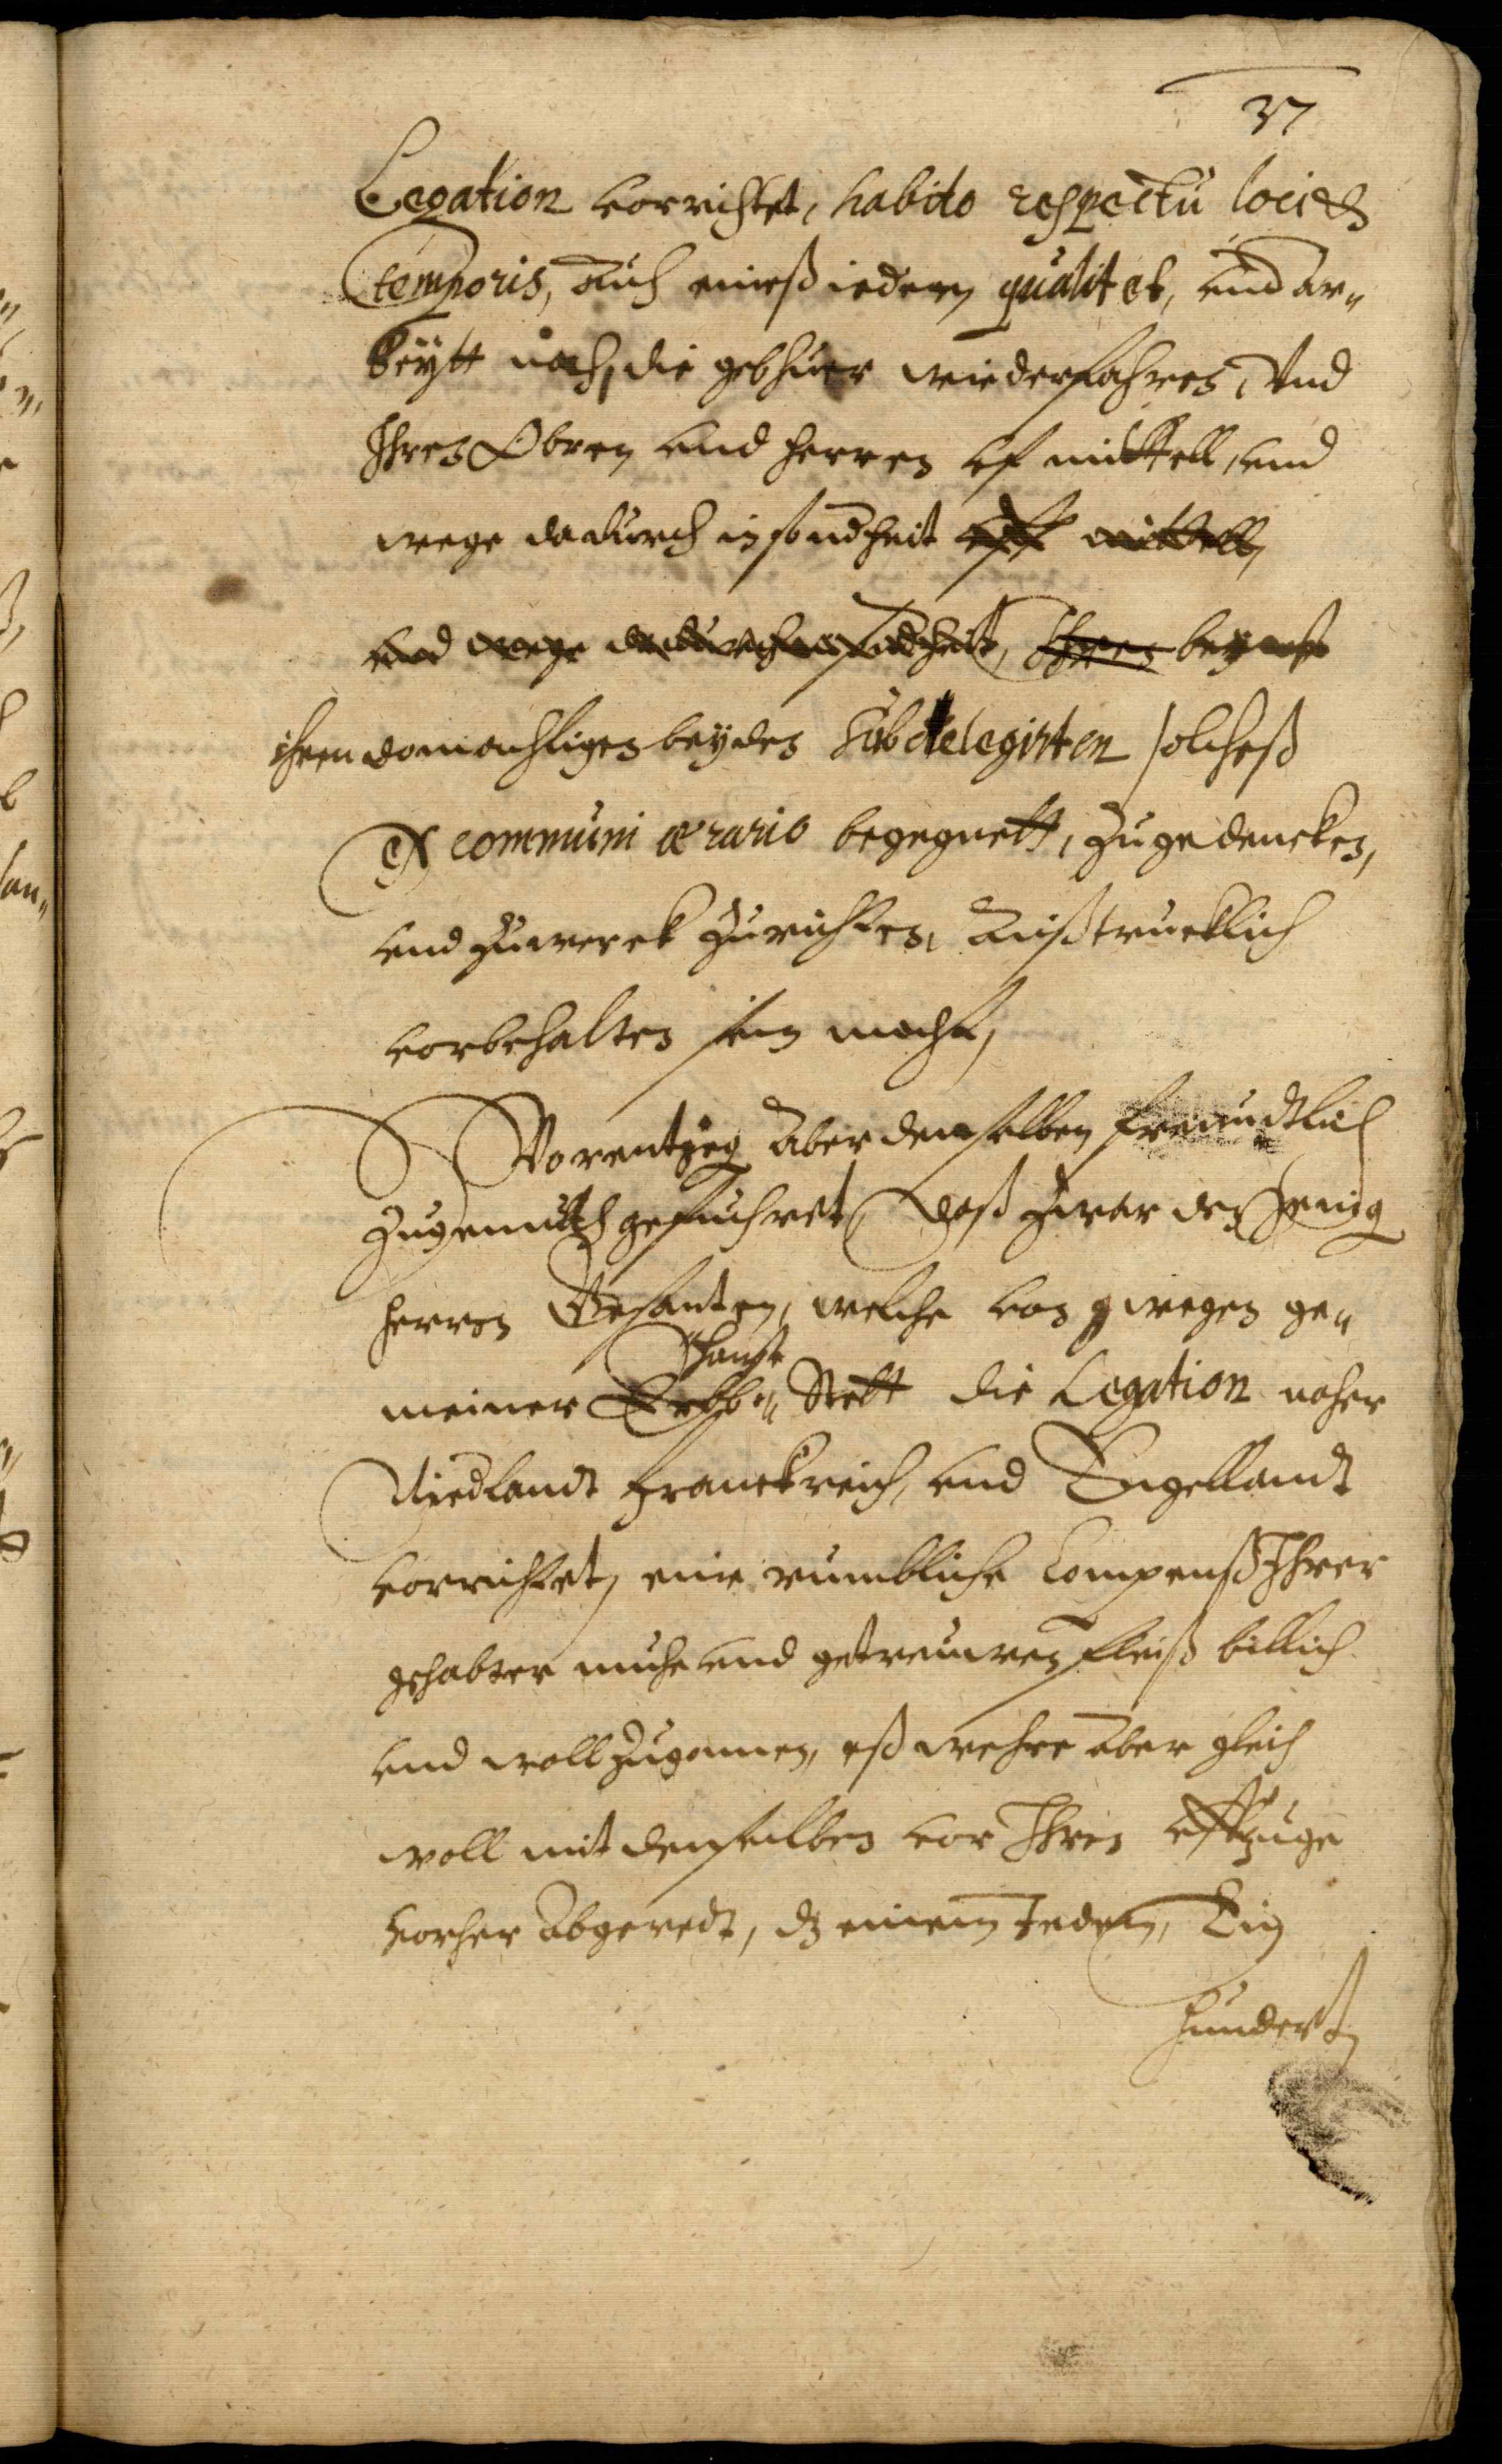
37
Legation vorrichtet, habido respectu loci &
temporis, Auch einem ieden qualitet, vnd Ar¬
beijtt nach, die gebhuer wiederfahren, Vnd
Ihren Obern vnd herren vf mittell, vnd
wege dadurch in sonderheit vff mittel,
vnd wege diedurch sicherheit, Ihren beij vf
ihren damahligen beijden subdelegirten solcheß
ex communi aerario begegnett, zu gedenken,
vnd zuwerck zurichten, Außtrucklich
vorbehalten sein mocht,
Vorentgegen Aber denselben freundtlich
zugemuth gefuhret, daß zwar denjenigen
herren Gesanten, welche von g wegen ge¬
meiner Erbb: hanse Stett die Legation naher
Niederlandt Frankreich, vnd Engellandt
vorrichtet, eine rumbliche Compenß Ihrer
gehabten muhe vnd getreuwen fleiß billich
vnd woll zugonnen eß wehre Aber gleich
woll mit denselben vor Ihren vffzuge
vorher Abgeredt, das einem Jeden, Ein
hundert
